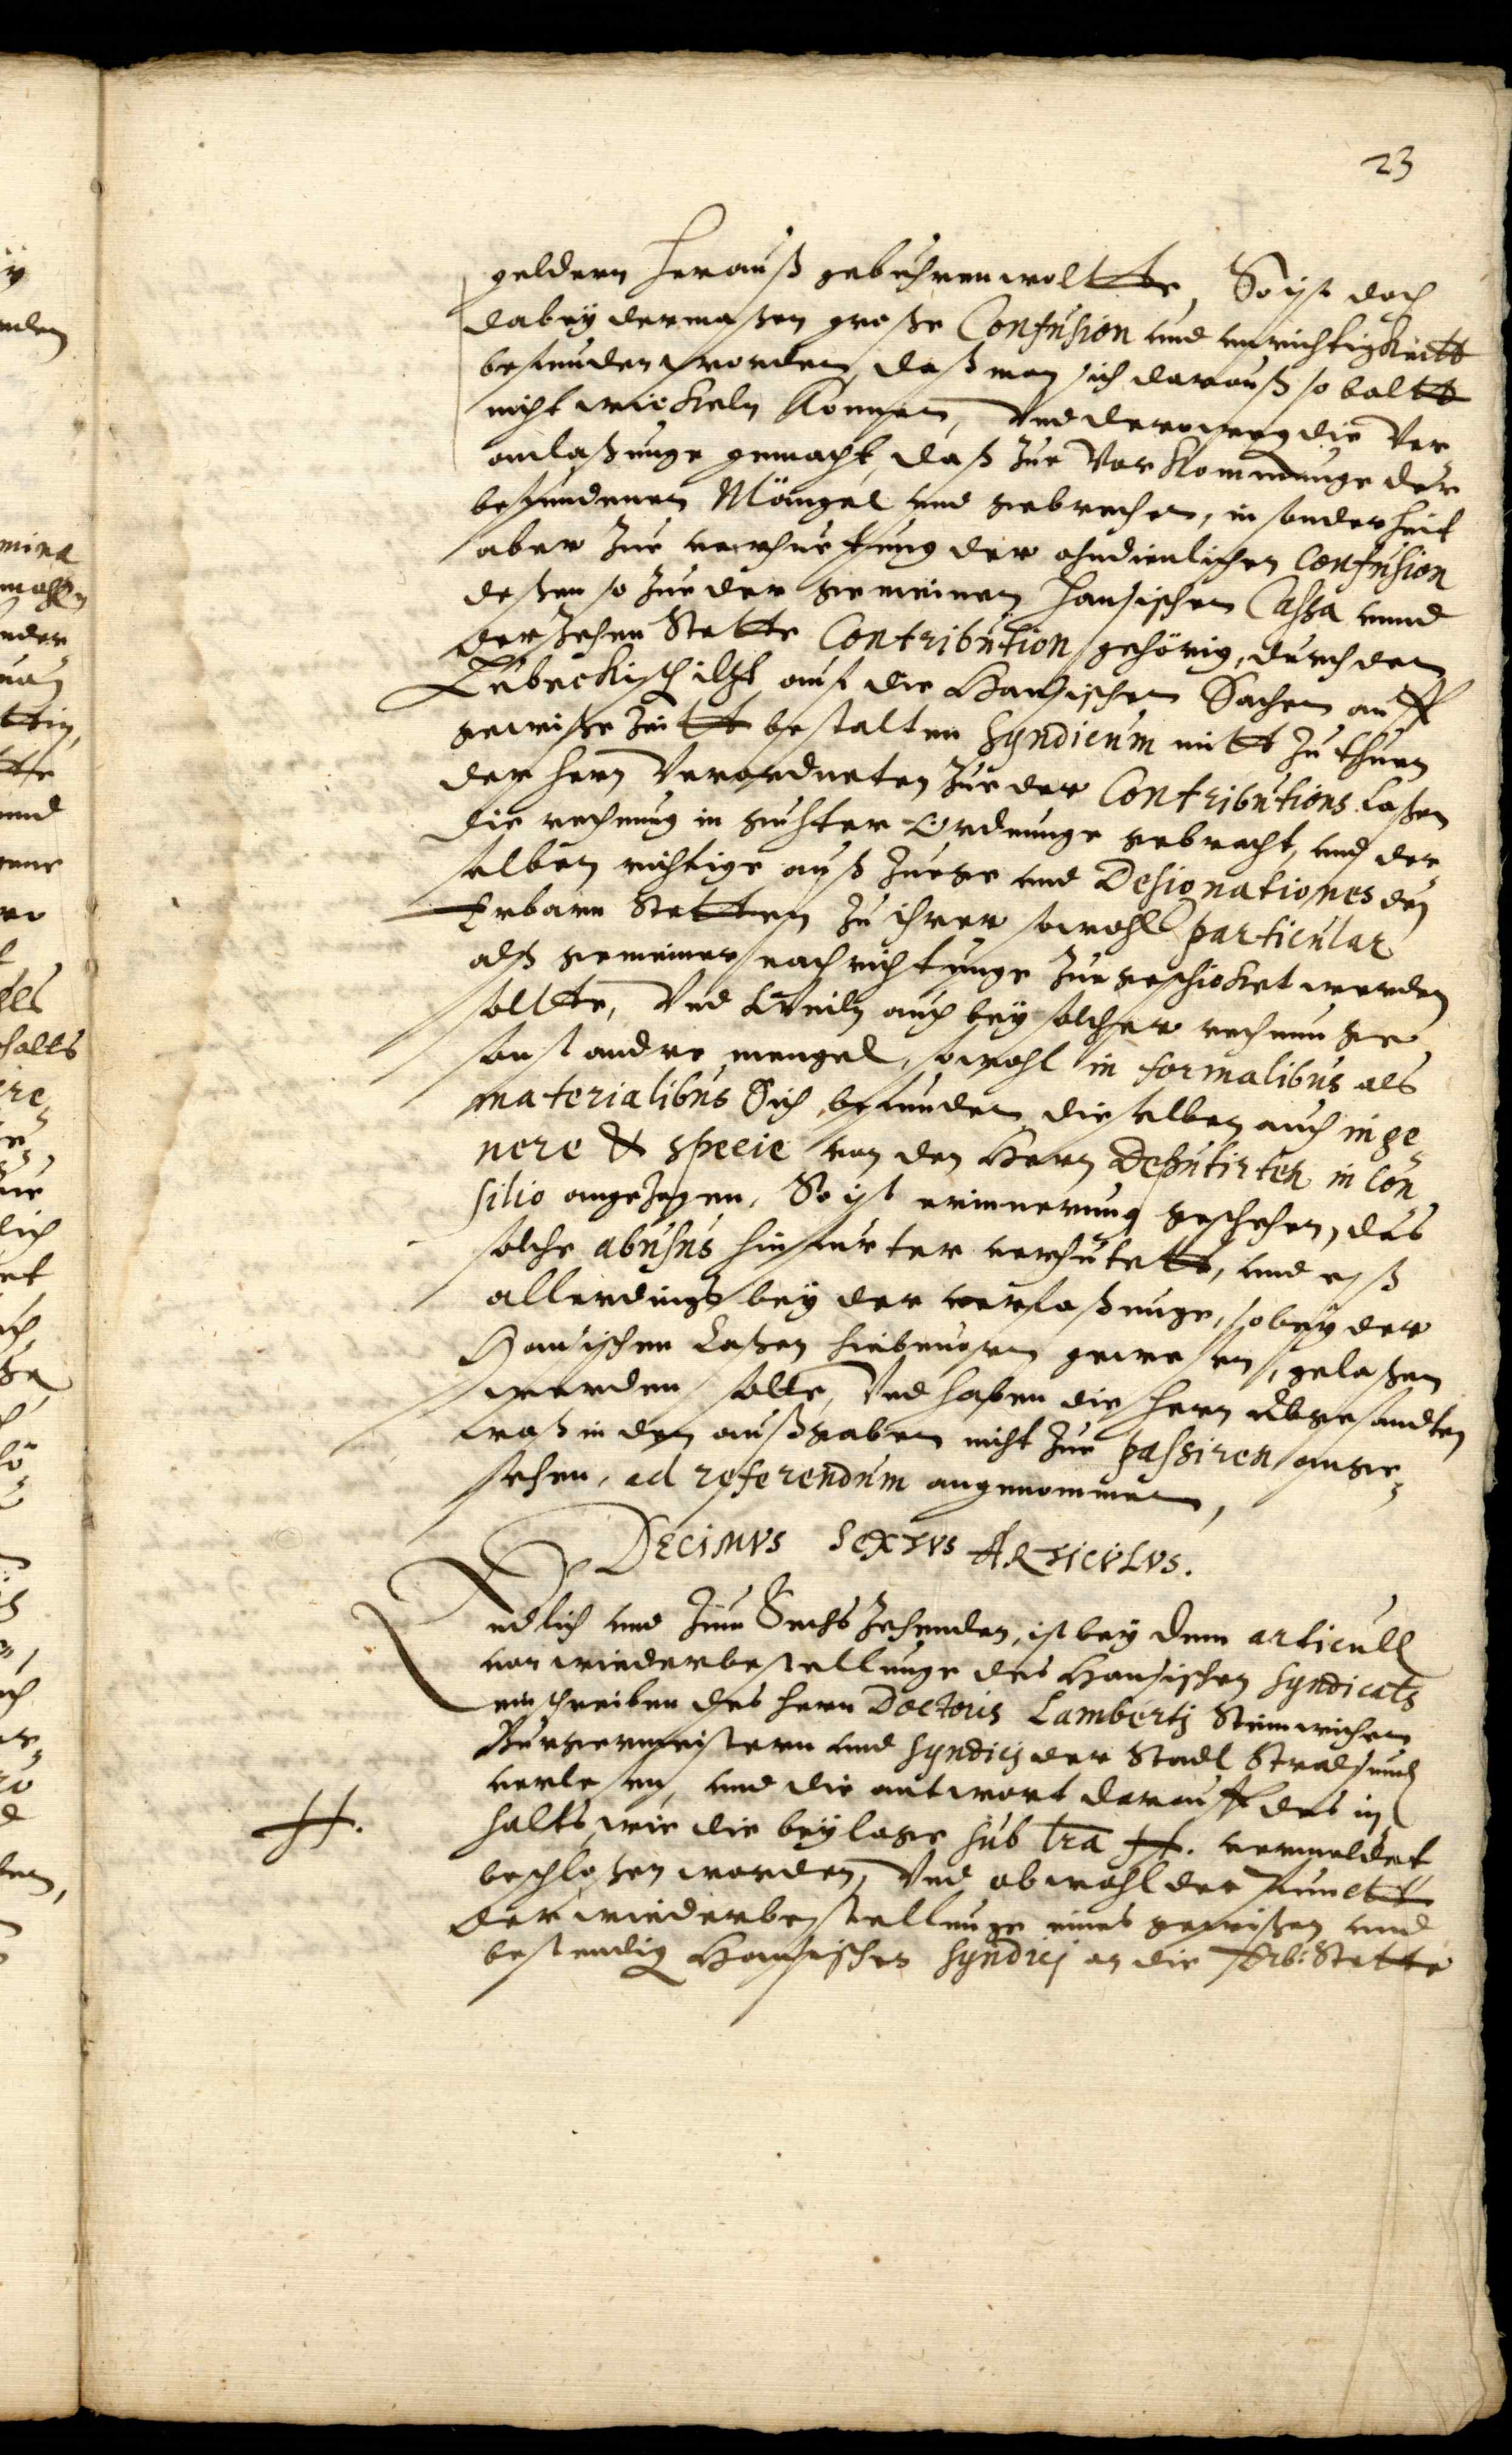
23
H.
geldern herauß gebuhren woltte, So ist doch
dabeij dermaßen große Confusion vnd vnrichtigkeitt
befunden worden, daß man sich darauß so baltt
nicht wiekeln konnen, Vnd derowegen die Ver¬
anlaßunge gemacht, daß Zue Vorkommunge der
befundenen Mängel vnd gebrechen, in sonderheit
aber Zur verhuetung der ohndienlichen Confusion
deßen so Zue der gemeinen Hansischen Cassa vnnd
der Zehen Stette Contribution gehörig, durch den
Lubeckisch iltzt aus die Hansischen Sachen auff
gewiße Zeitt bestalten Syndicum mitt Zuthuen
der hern Verordneten Zue der Contributions Caßen
die rechnung in guhter Ordnunge gebracht, vnd der¬
halben richtige auß Zuege vnd Designationes den
Erbarn Stetten Zu ihrer sowohl particular
alß gemeiner nachrichtunge Zuegeschicket werden
sollte, Vnd Weiln auch beij solcher rechnunge,
sonst andre mangel, sowohl in formalibus als
materialibus Sich befunden dieselben auch inge¬
nere & specie von den Hern Deputirten in Con
silio angeZogen, So ist erinnerung geschehen, das
solche abusus hinfurter verhutett, vnd eß
allerdings beij der verfaßunge, so beij der
Hansischen Caßen hiebeuorn gewesen, gelaßen
werden solte, Vnd haben die hern Abgesandten
waß in den außgaben nicht Zue passiren ange¬
sehen, ad referendum angenommen,
Decimvs Sextvs Articvlvs.
Endlich vnd Zum SechsZehenden, ist beij dem articull
von wiederbestellunge des Hansischen Syndicats
ein schreiben des hern Doctoris Lambertj Steinwichen
Burgermeistern vnd Syndicj der Stadt Stralsund
verlesen, vnd die antwort darauff des in¬
halts, wie die beijlage sub tra H. vermeldet,
beschloßen worden, Vnd obwohl der Punctt
der wiederbestellunge eines gewißen vnd
bestendigen Hansischen Syndicj an die Erb: Sette
